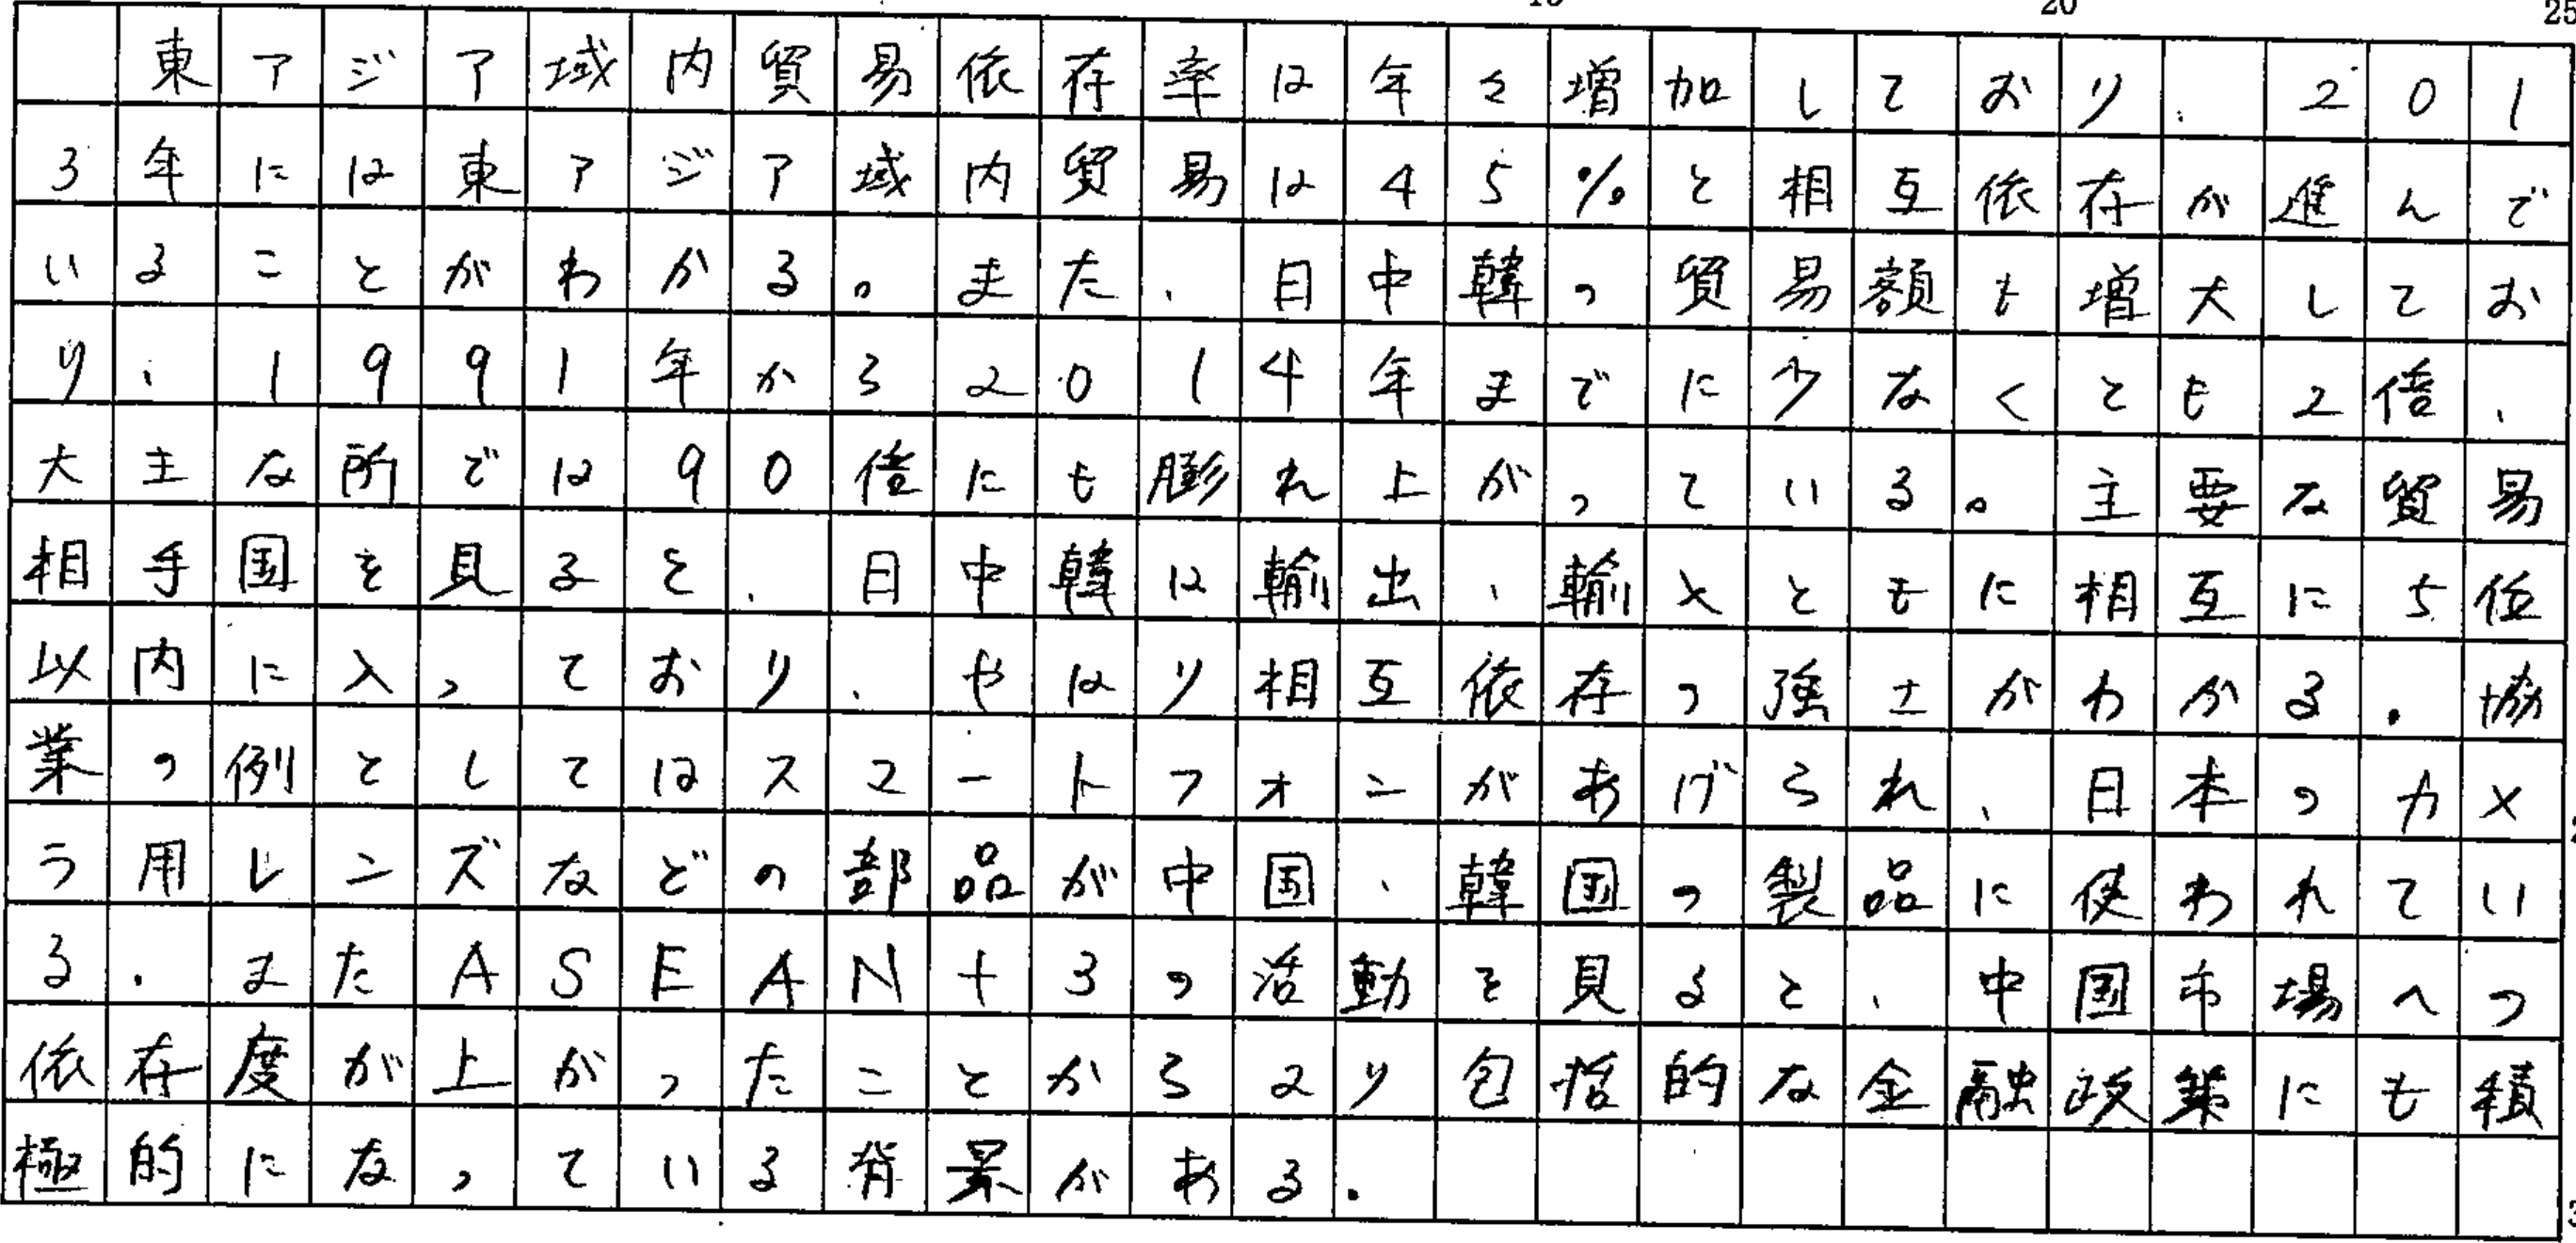　東アジア域内貿易依存率は年々増加しており、２０１３年には東アジア域内貿易は４５％と相互依存が進んでいることがわかる。また、日中韓の貿易額も増大しており、１９９１年から２０１４年までに少なくとも２倍、大きな所では９０倍にも膨れ上がっている。主要な貿易相手国を見ると、日中韓は輸出・輸入ともに相互に５位以内に入っており、やはり相互依存の強さがわかる。協業の例としてはスマートフォンがあげられ、日本のカメラ用レンズなどの部品が中国・韓国の製品に使われている。またＡＳＥＡＮ＋３の活動を見ると、中国市場への依存度が上がったことからより包括的な金融政策にも積極的になっている背景がある。
